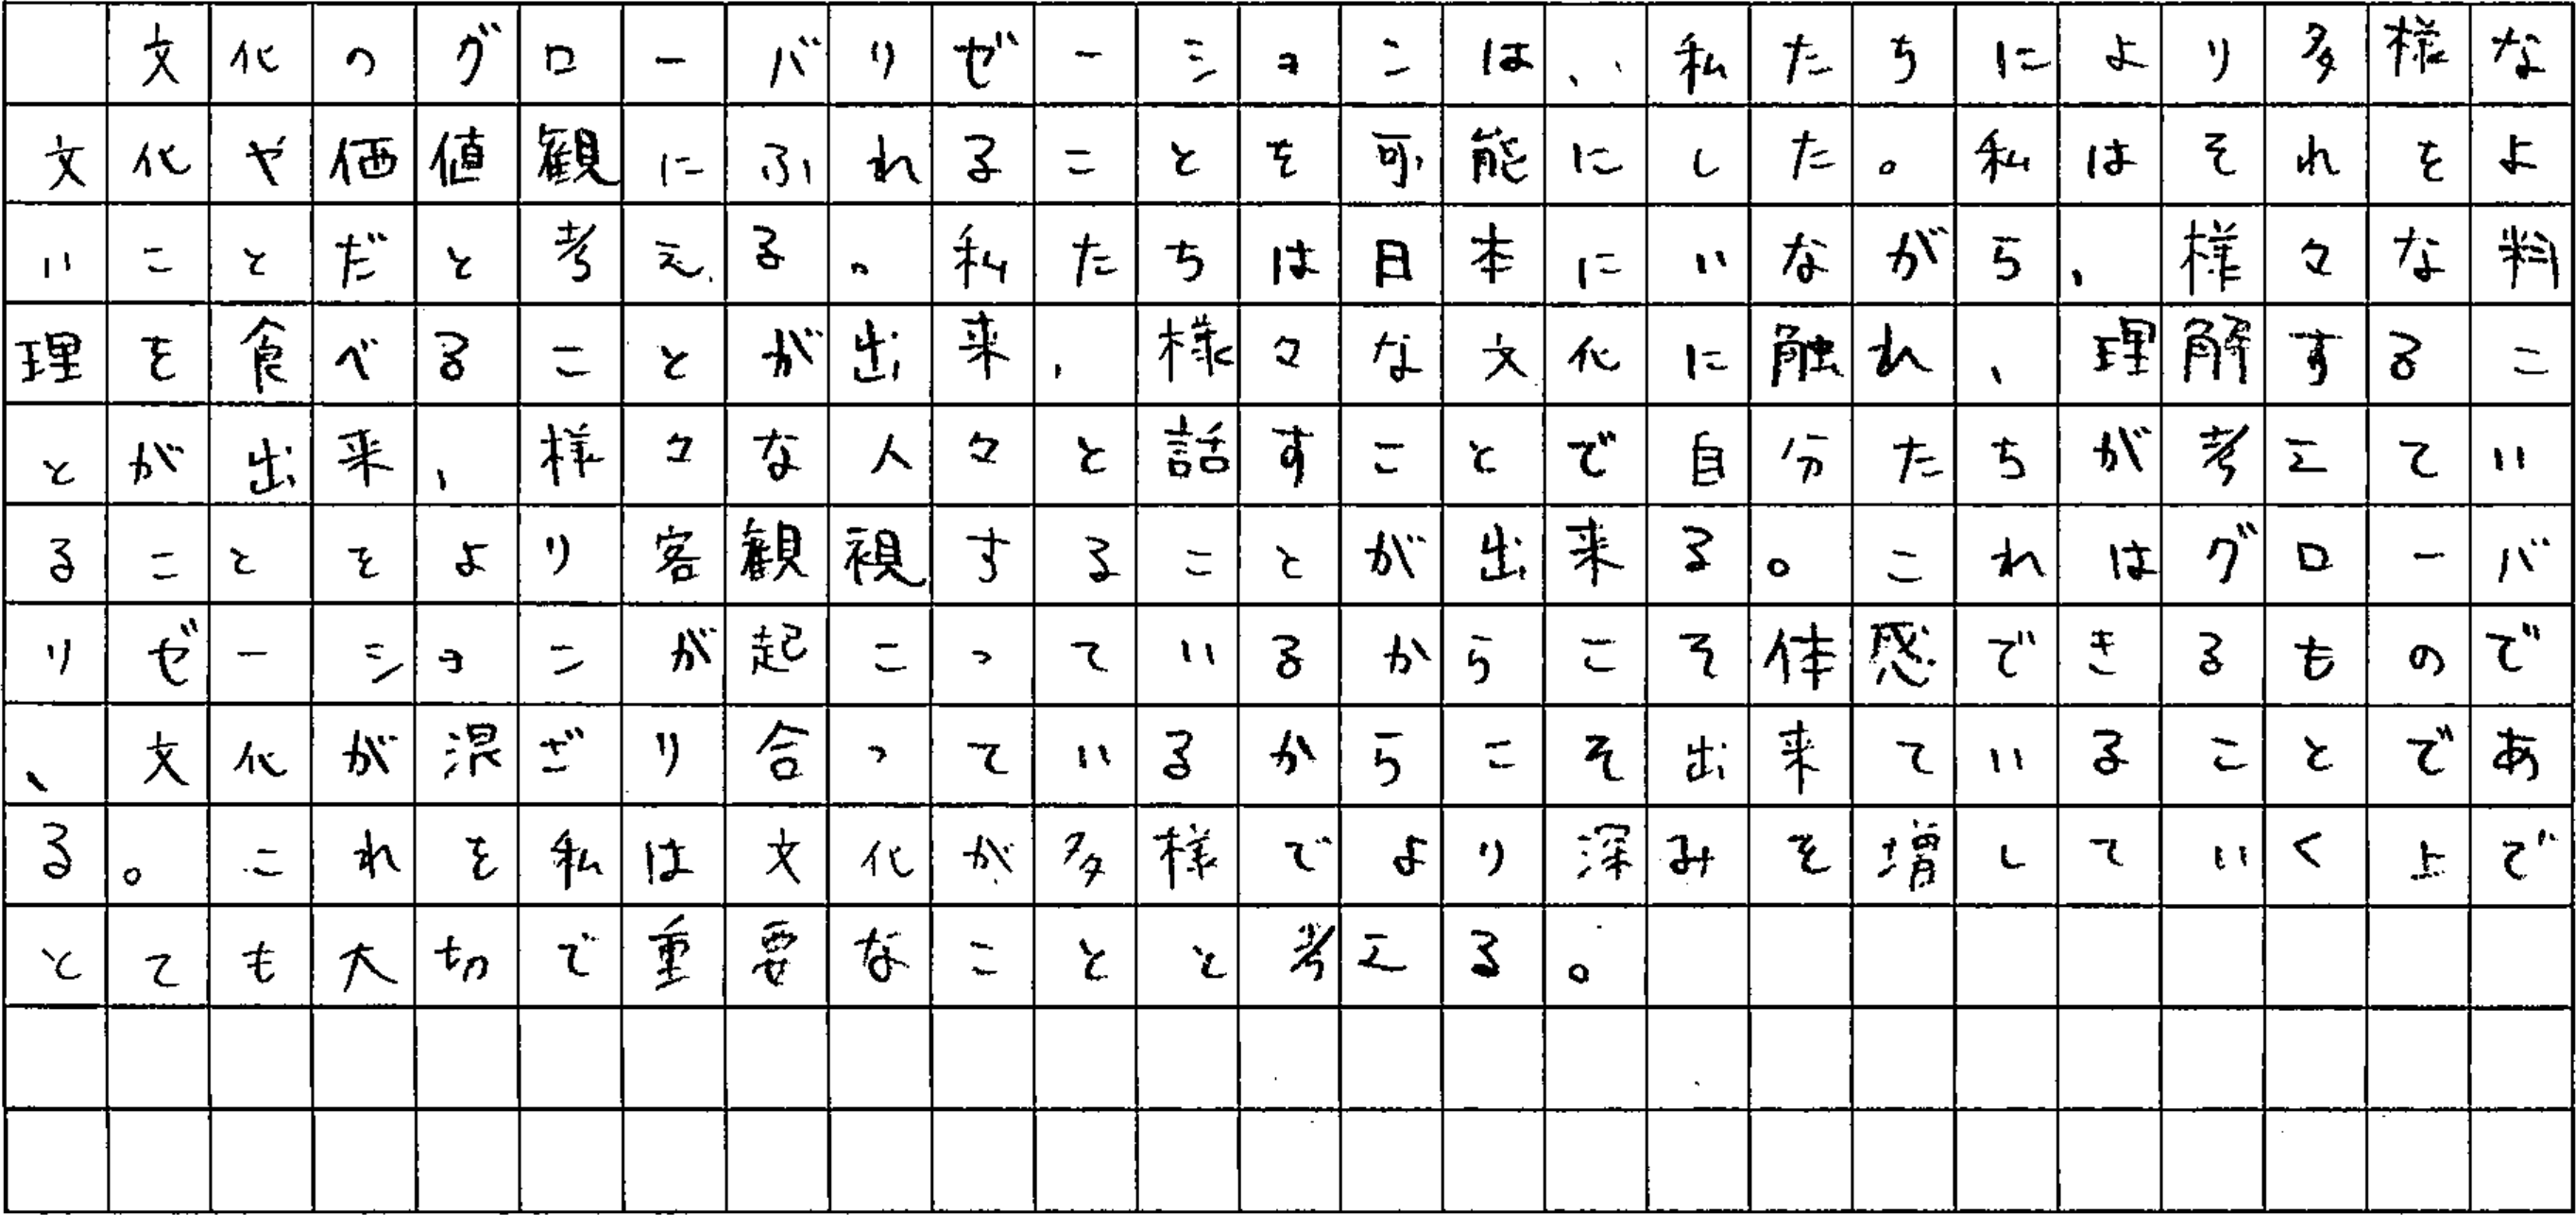　文化のグローバリゼーションは、私たちにより多様な文化や価値観にふれることを可能にした。私はそれをよいことだと考える。私たちは日本にいながら、様々な料理を食べることが出来、様々な文化に触れ、理解することが出来、様々な人々と話すことで自分たちが考えていることをより客観▁することが出来る。これはグローバリゼーションが起こっているからこそ体感できるもので、文化が混ざり合っているからこそ出来ていることである。これを私は文化が多様でより深みを増していく上でとても大切で重要なことと考える。
